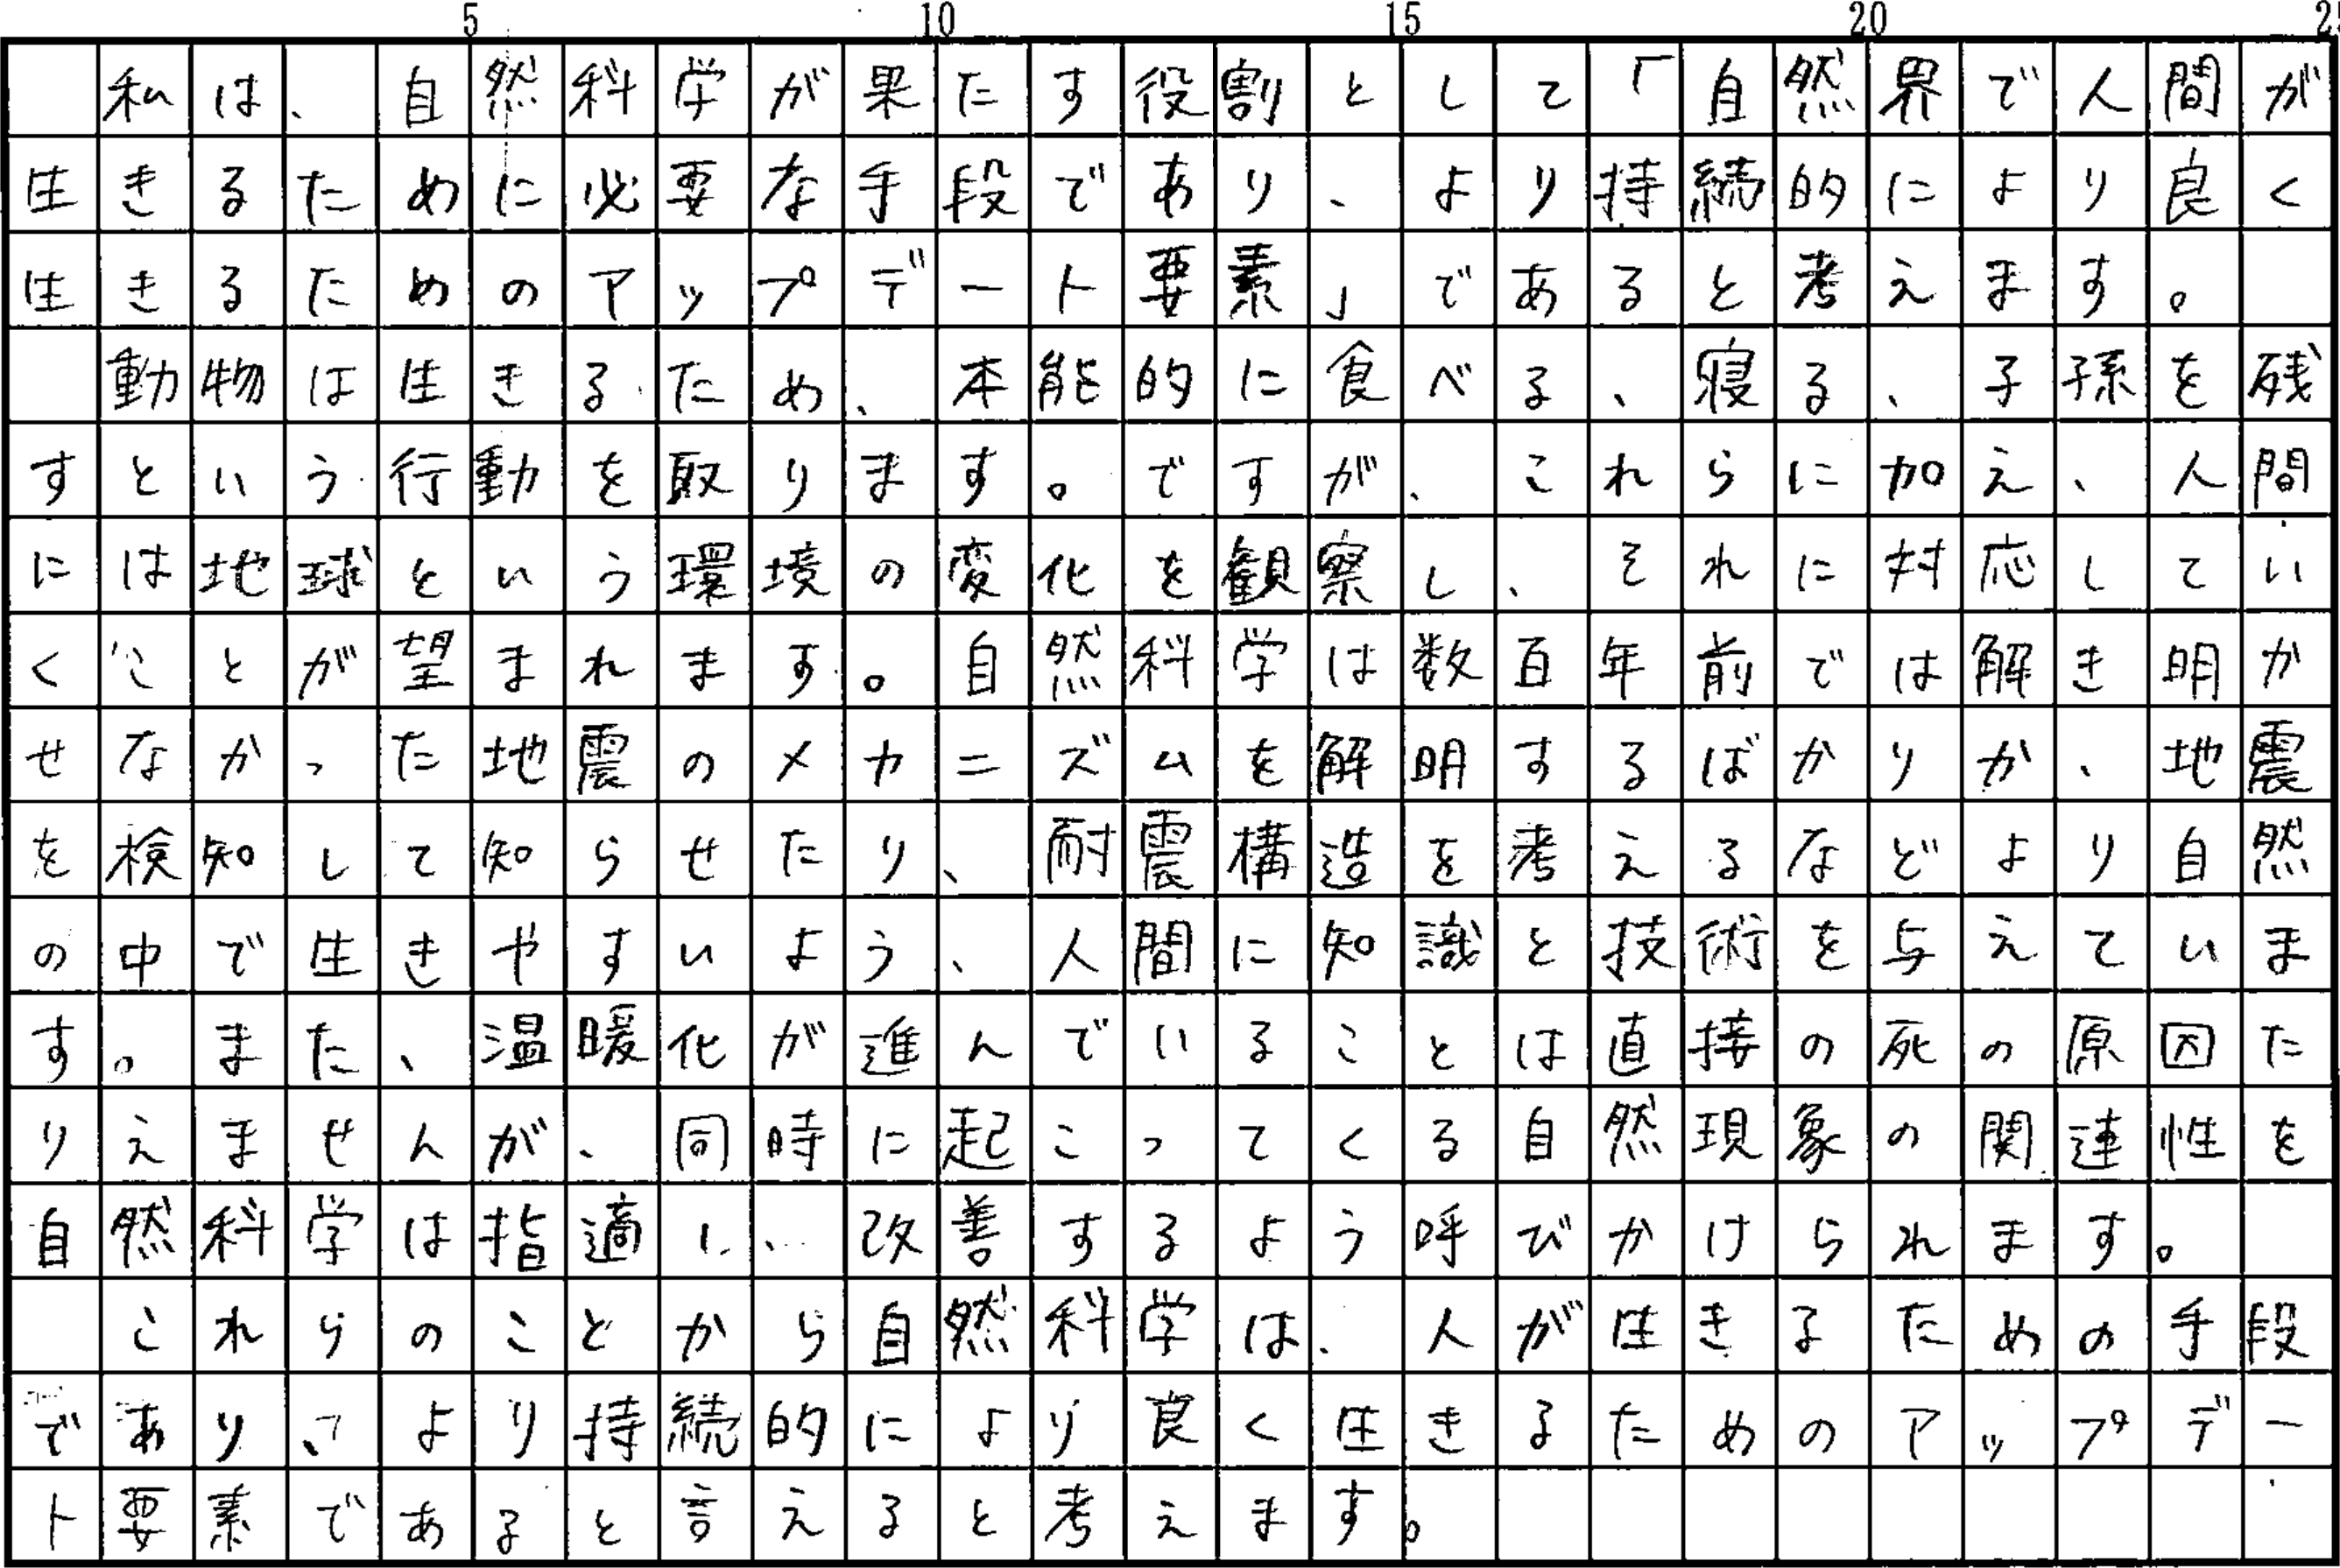　私は、自然科学が果たす役割として「自然界で人間が生きるために必要な手段であり、より持続的により良く生きるためのアップデート要素」であると考えます。
　動物は生きるため、本能的に食べる、寝る、子孫を残すという行動を取ります。ですが、これらに加え、人間には地球という環境の変化を観察し、それに対応していくことが望まれます。自然科学は数百年前では解き明かせなかった地震のメカニズムを解明するばかりか、地震を検知して知らせたり、耐震構造を考えるなどより自然の中で生きやすいよう、人間に知識と技術を与えています。また、温暖化が進んでいることは直接の死の原因たりえませんが、同時に起こってくる自然現象の関連性を自然科学は指摘し、改善するよう呼びかけられます。
　これらのことから自然科学は、人が生きるための手段であり、より持続的により良く生きるためのアップデート要素であると言えると考えます。
